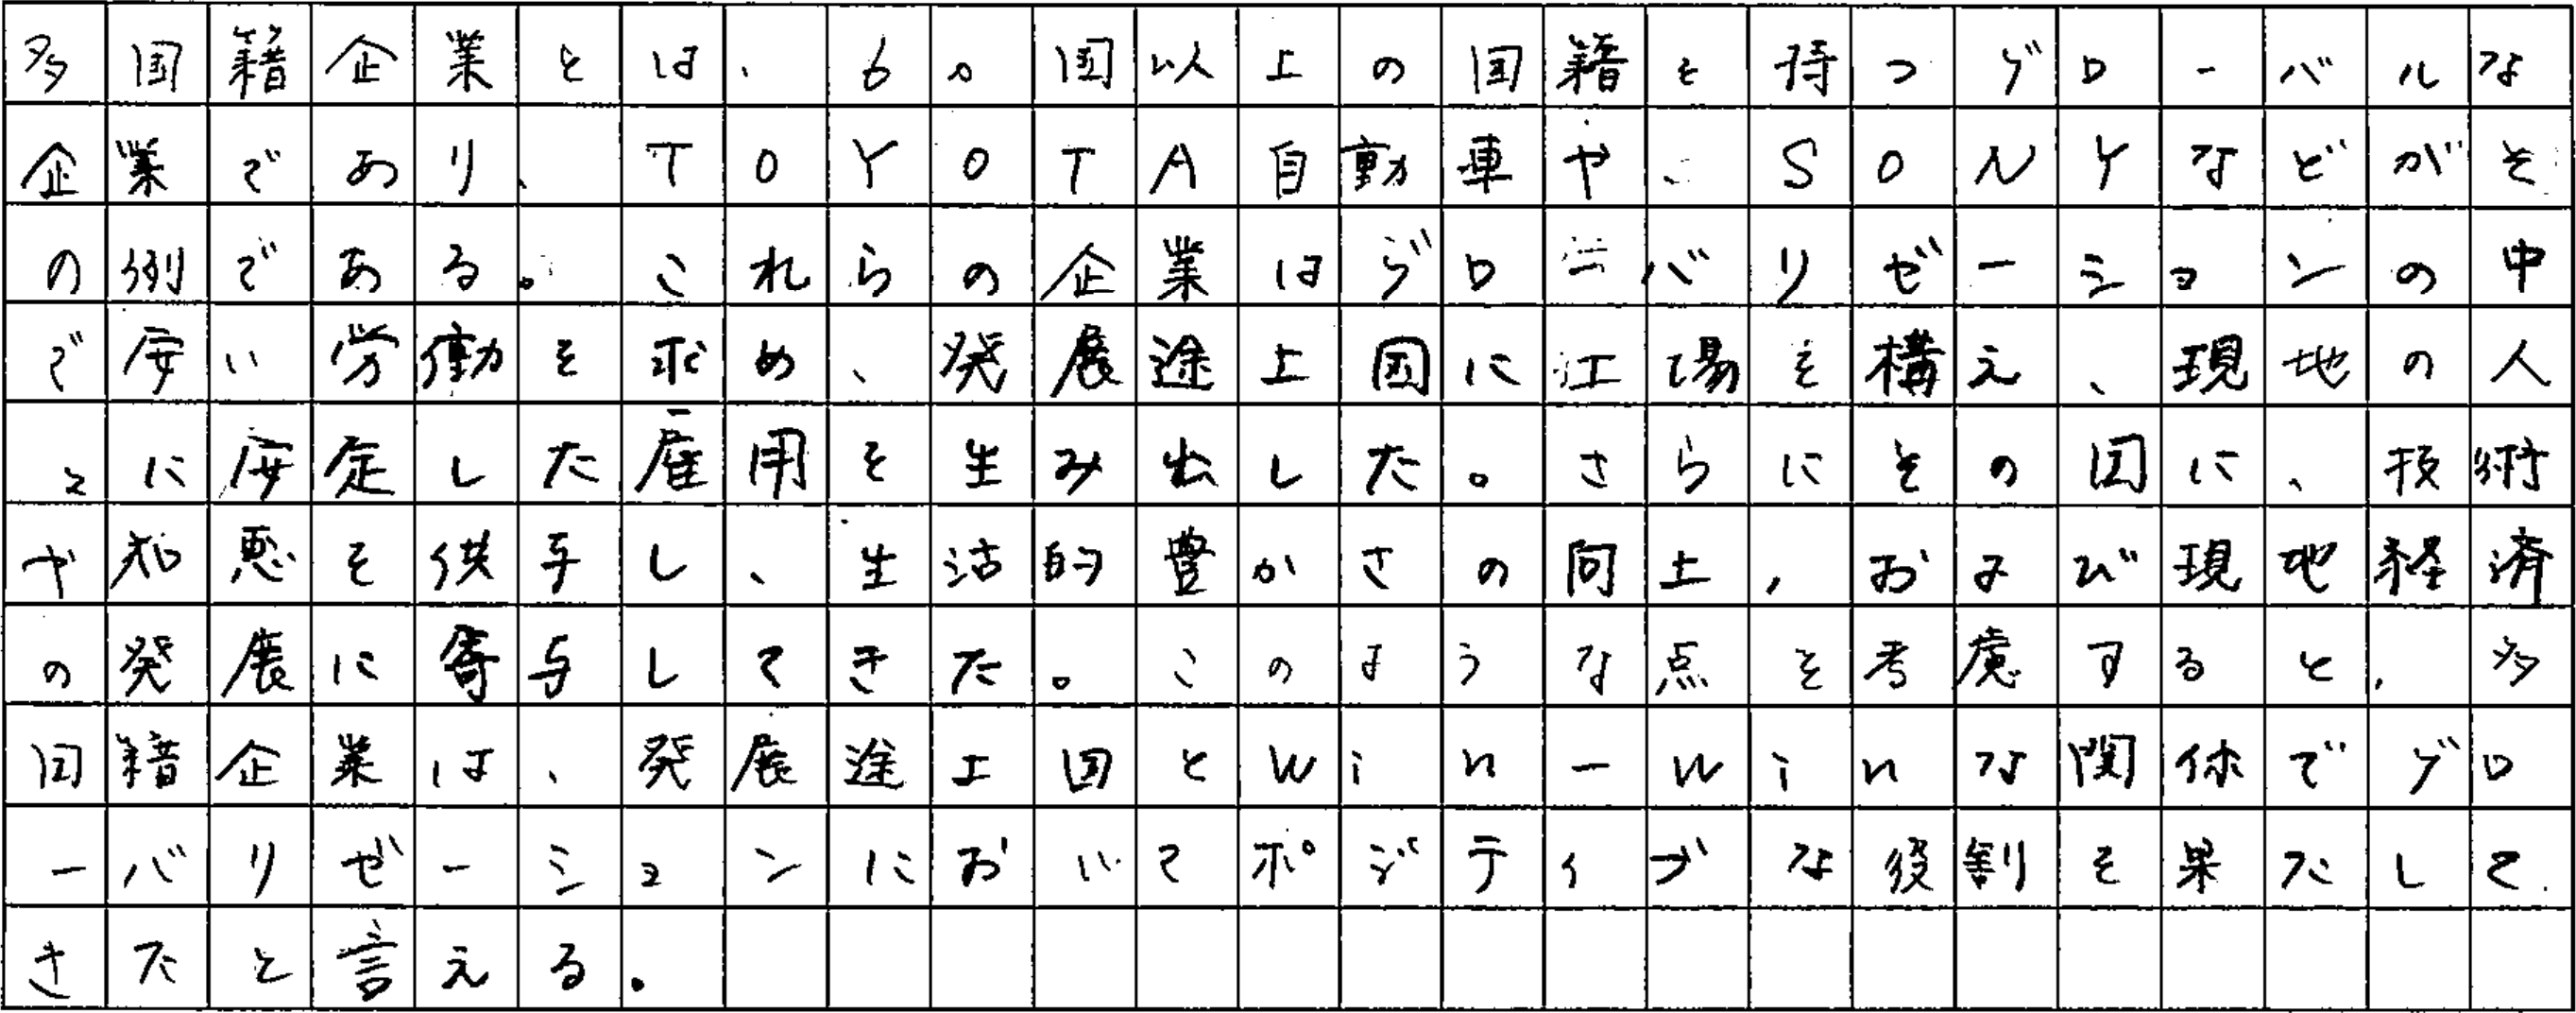多国籍企業とは、６カ国以上の国籍を持つグローバルな企業であり、ＴＯＹＯＴＡ自動車や、ＳＯＮＹなどがその例である。これらの企業はグローバリゼーションの中で安い労働を求め、発展途上国に工場を構え、現地の人々に安定した雇用を生み出した。さらにその国に、技術や知恵を供与し、生活的豊かさの向上、および現地経済の発展に寄与してきた。このような点を考慮すると、多国籍企業は、発展途上国とＷｉｎ－Ｗｉｎな関係でグローバリゼーションにおいてポジティブな役割を果たしてきたと言える。
